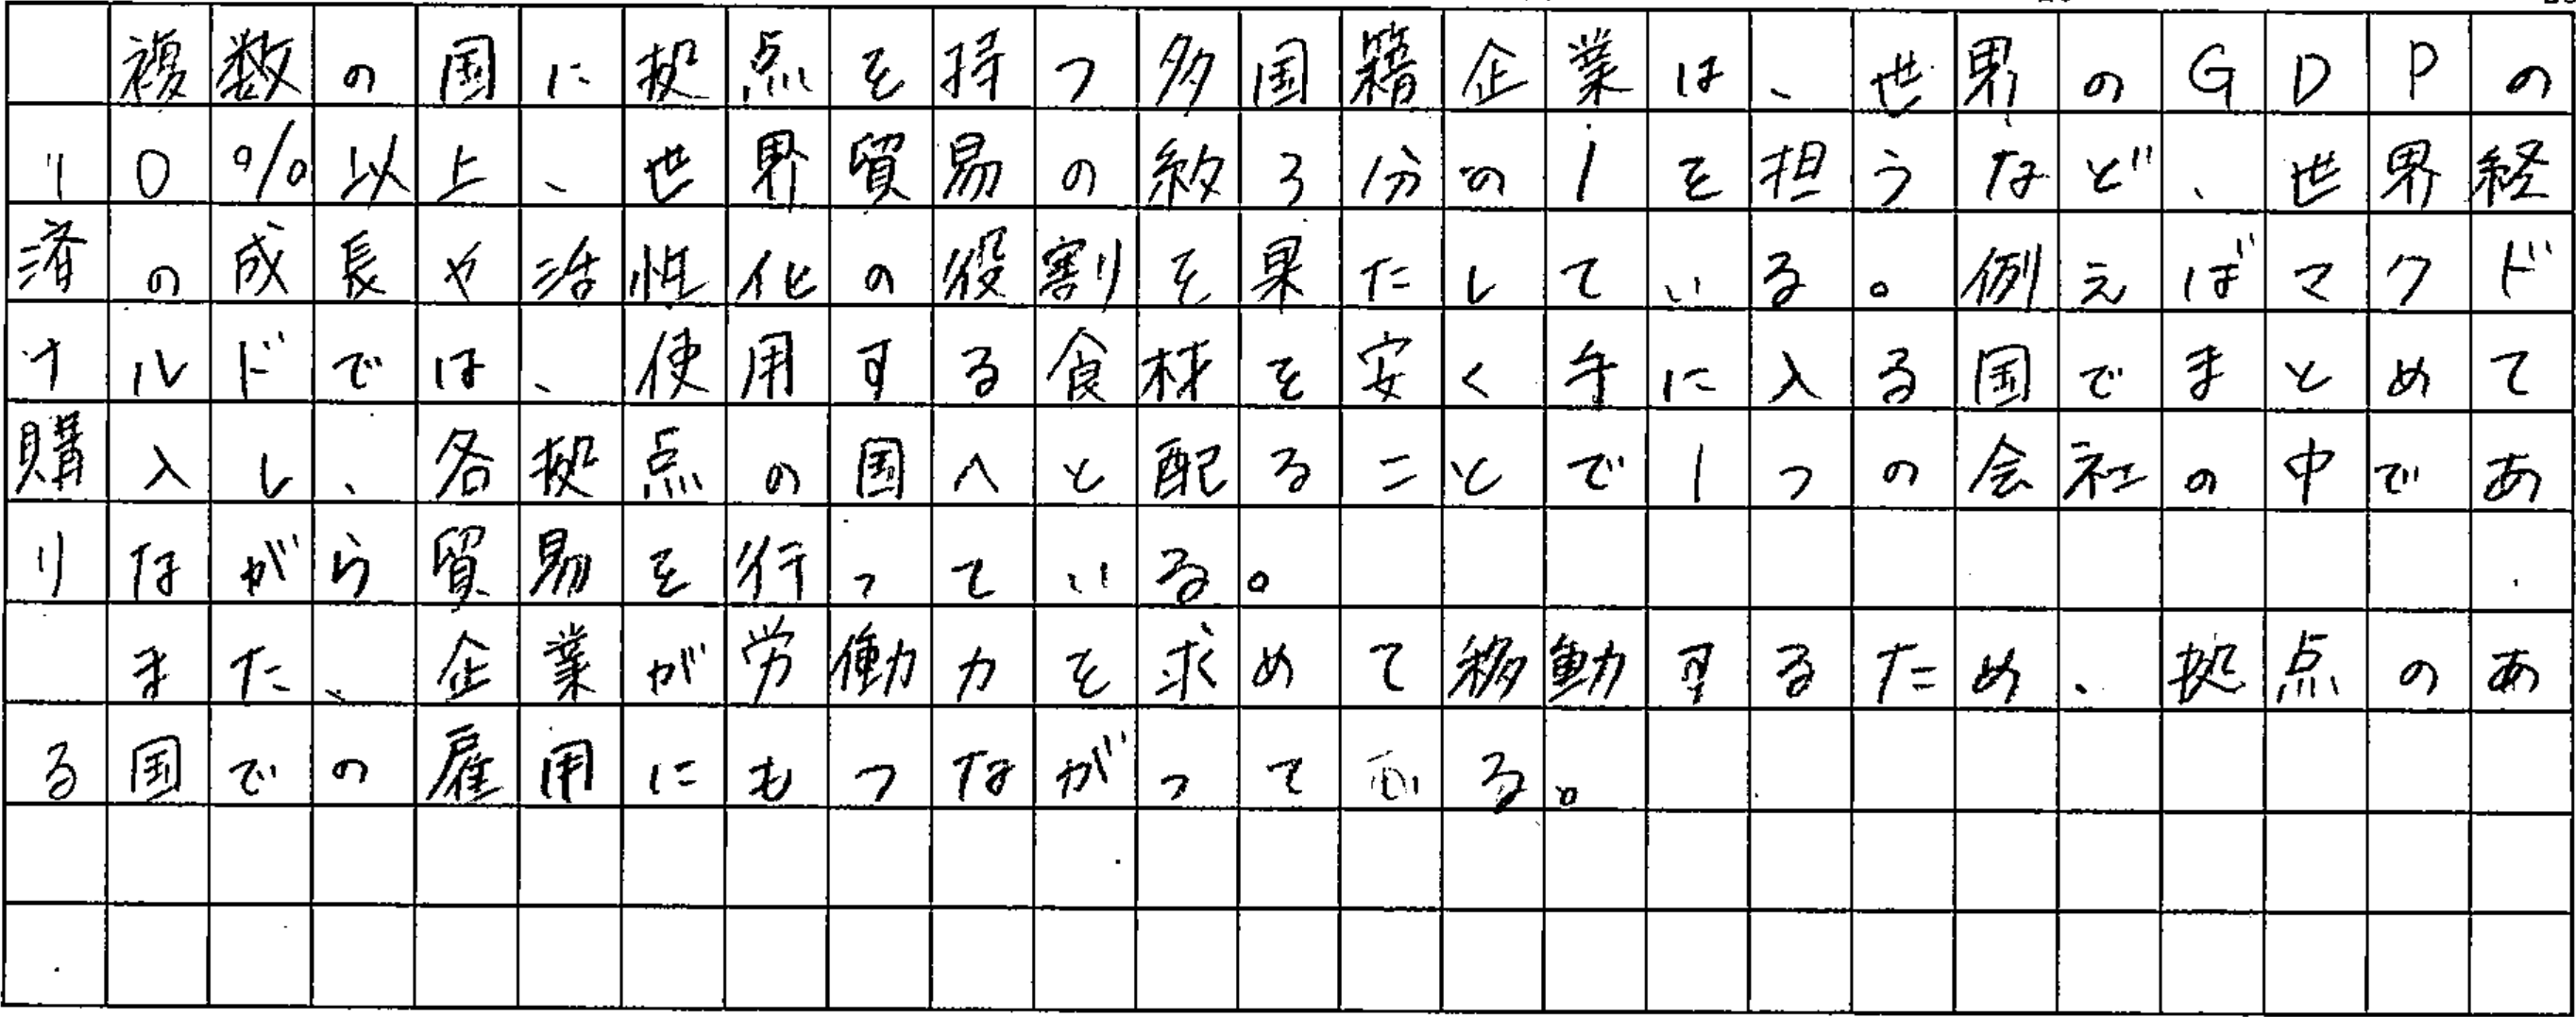　複数の国に拠点を持つ多国籍企業は、世界のＧＤＰの１０％以上、世界貿易の約３分の１を担うなど、世界経済の成長や活性化の役割を果たしている。例えばマクドナルドでは、使用する食材を安く手に入る国でまとめて購入し、各拠点の国へと配ることで１つの会社の中でありながら貿易を行っている。
　また、企業が労働力を求めて移動するため、拠点のある国での雇用にもつながっている。
